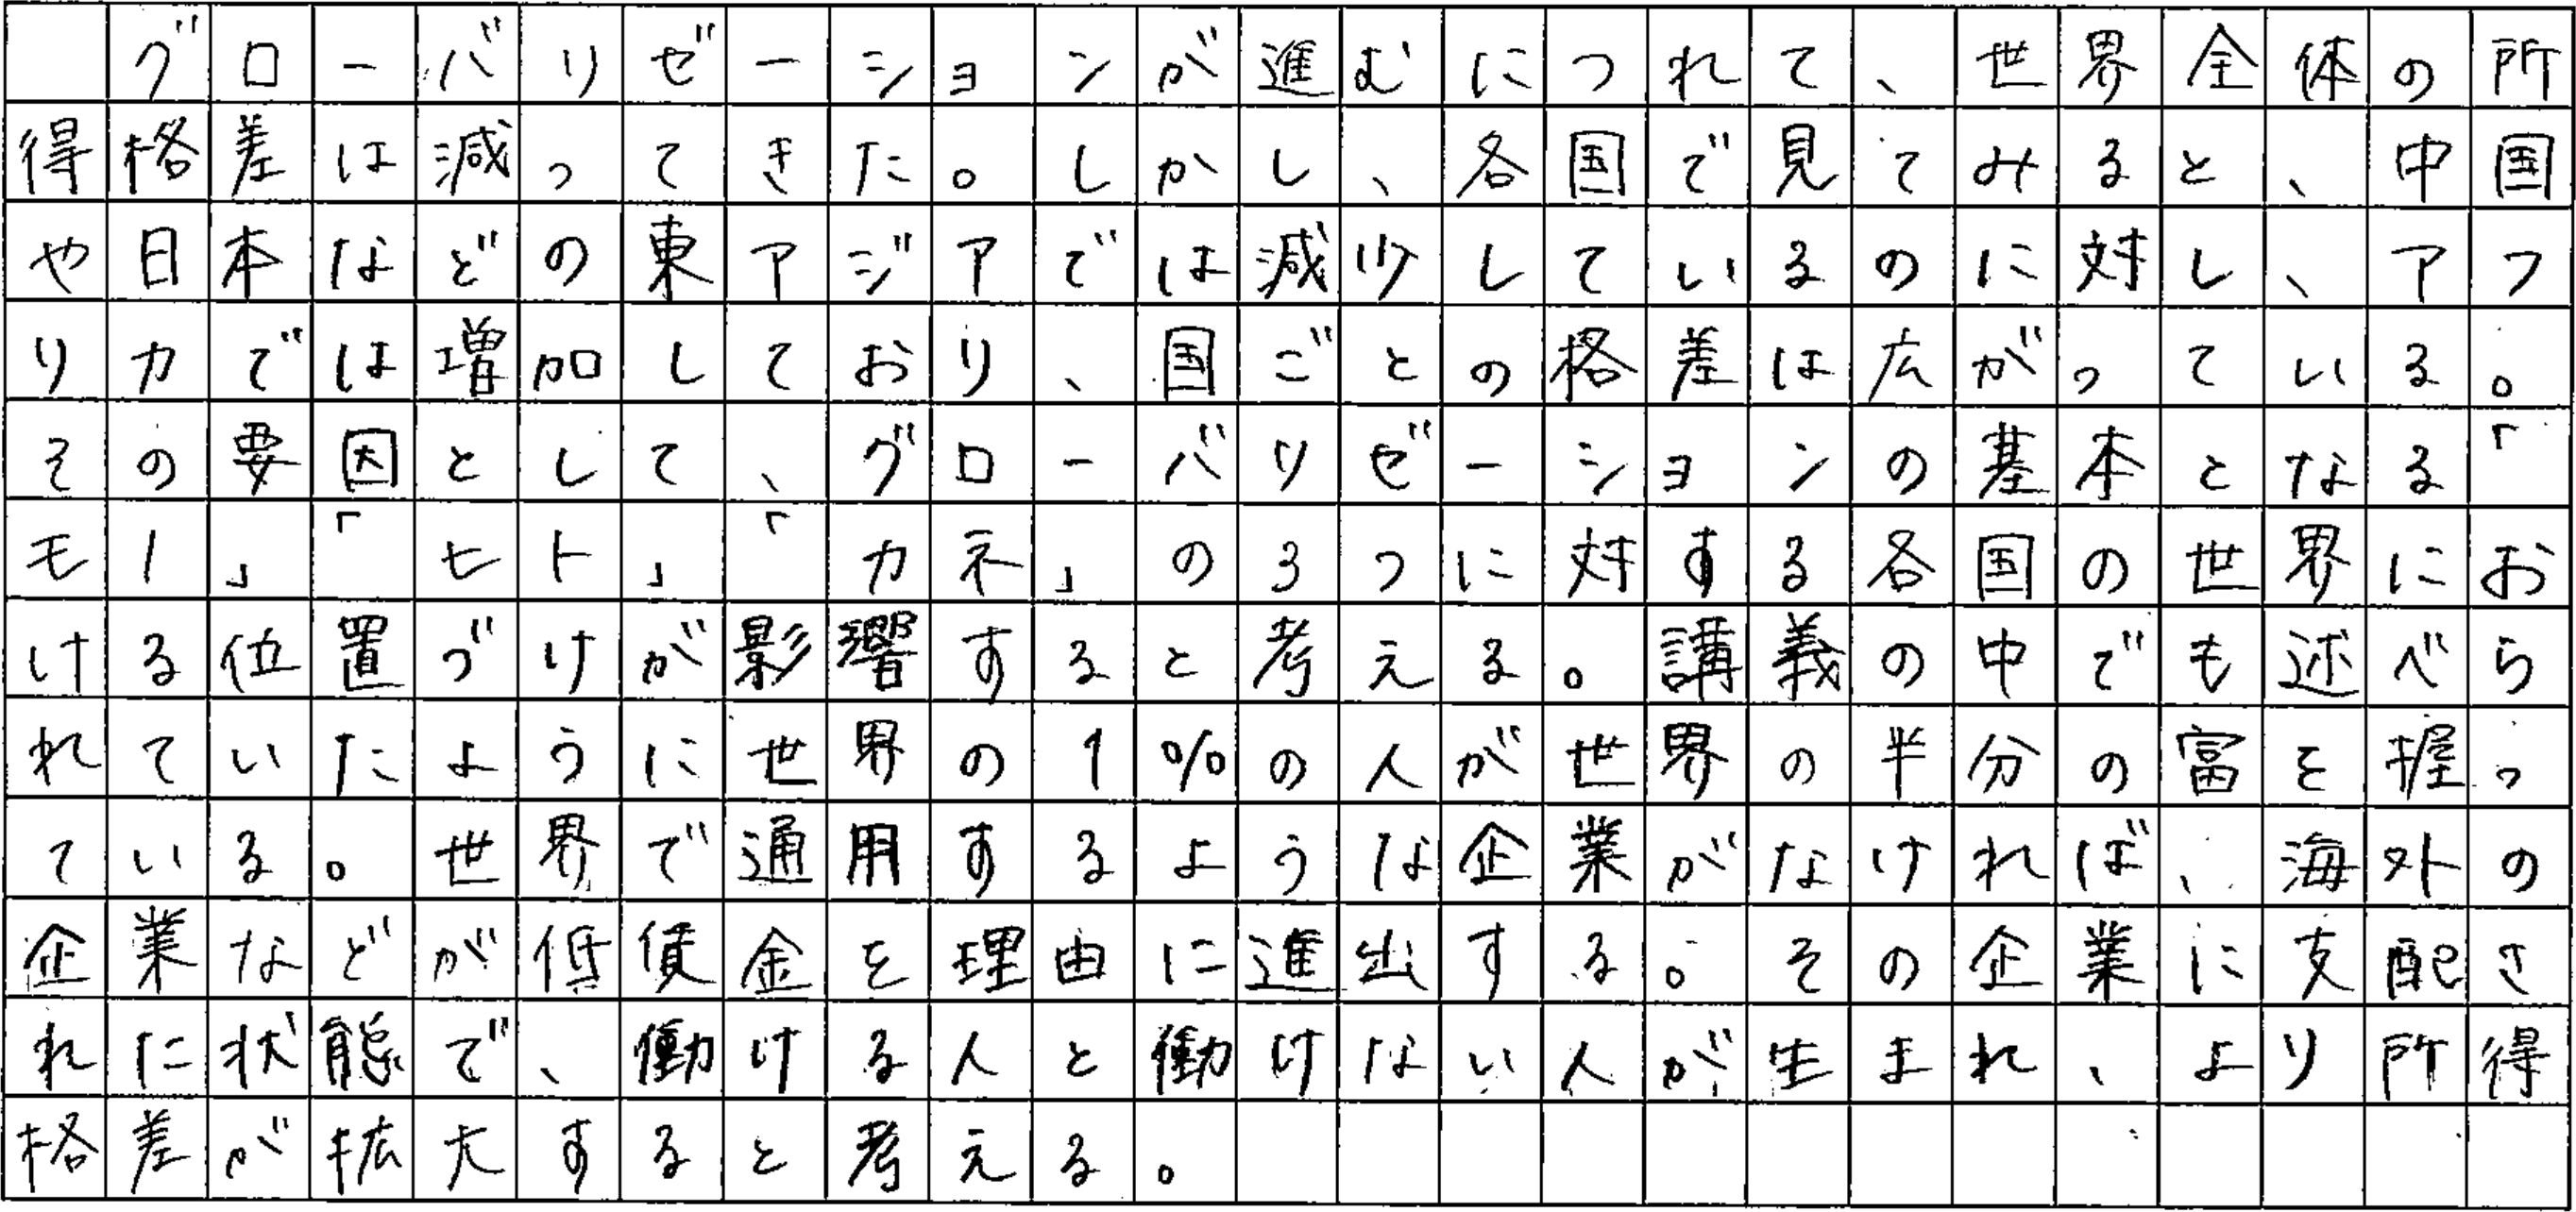　グローバリゼーションが進むにつれて、世界全体の所得格差は減ってきた。しかし、各国で見てみると、中国や日本などの東アジアでは減少しているのに対し、アフリカでは増加しており、国ごとの格差は広がっている。その要因として、グローバリゼーションの基本となる「モノ」「ヒト」「カネ」の３つに対する各国の世界における位置づけが影響すると考える。講義の中でも述べられていたように世界の１％の人が世界の半分の富を握っている。世界で通用するような企業がなければ、海外の企業などが低賃金を理由に進出する。その企業に支配された状態で、働ける人と働けない人が生まれ、より所得格差が拡大すると考える。
